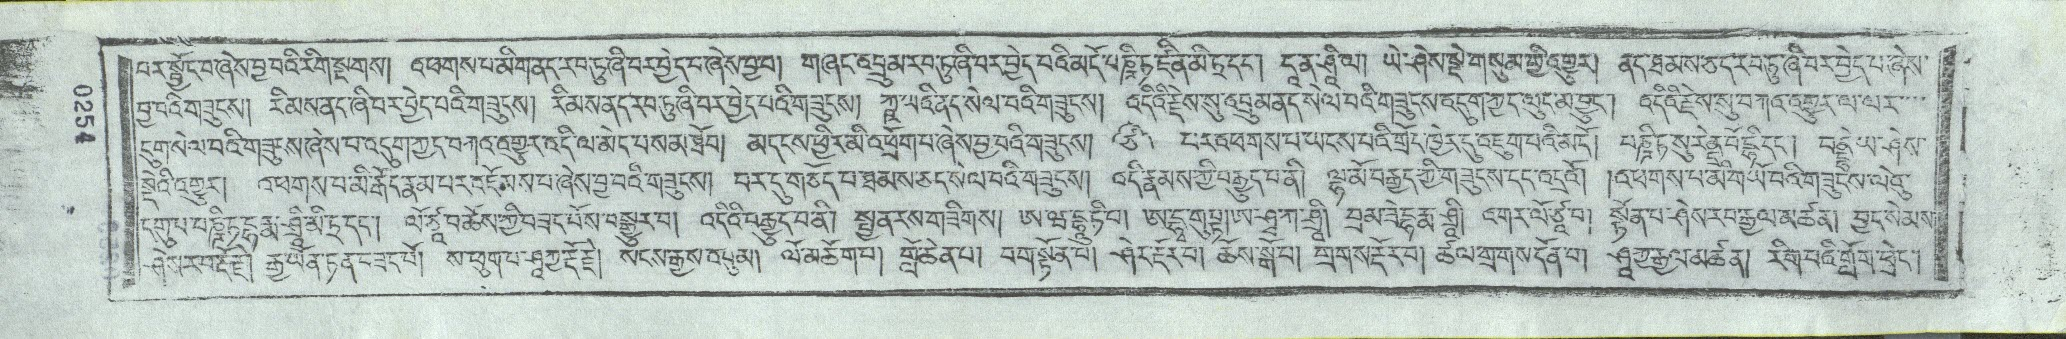བར་སྦྱོང་བ་ཞེས་བྱ་བའི་རིག་སྔགས། འཕགས་པ་མིག་ནང་རབ་ཏུ་ཞི་བར་བྱེད་བ་ཞེས་བྱ་བ། གཞན་འབྲུམ་རབ་ཏུ་ཞི་བར་བྱེད་བའི་མདོ་པཎྜི་ཏ་ཛིན་མི་ཏྲ་དང་། དཱ་ན་ཤྲཱི་ལ། ཡེ་ཤེས་སྡེ་གསུམ་གྱི་འགྱུར། ནད་ཐམས་ཅད་རབ་ཏུ་ཞི་བར་བྱེད་པ་ཞེས་
བྱ་བའི་གཟུངས། རིམས་ནང་ཞི་བར་བྱེད་པའི་གཟུངས། རིམས་ནད་རབ་ཏུ་ཞི་བར་བྱེད་པའི་གཟུངས། ཀཥ་ཡའི་ནང་སེལ་བའི་གཟུངས། འདིའི་རྗེས་སུ་འབྲུམ་ནད་སེལ་བའི་གཟུངས་འདུག་ཀྱང་ལུང་མ་བྱུང་། འདིའི་རྗེས་སུ་བཀའ་འགྱུར་ལ་ལར་
དུག་སེལ་བའི་གཟུངས་ཞེས་པ་འདུག་ཀྱང་བཀའ་འགྱུར་འདི་ལ་མེད་པས་མ་ཐོབ། མདངས་ཕྱིར་མི་འཕྲོག་པ་ཞེས་བྱ་བའི་གཟུངས། {ཙ}་པར་འཕགས་པ་ཡངས་པའི་གྲོང་ཁྱེར་དུ་འཇུག་པའི་མདོ། པཎྜི་ཏ་སུ་རེནྡྲ་བོ་དྷི་དང་། བནྡྷེ་ཡེ་ཤེས་
སྡེའི་འགྱུར། འཕགས་པ་མི་རྒོད་རྣམ་པར་འཇོམས་པ་ཞེས་བྱ་བའི་གཟུངས། བར་དུ་གཅོད་པ་ཐམས་ཅད་སེལ་བའི་གཟུངས། འདི་རྣམས་ཀྱི་བརྒྱུད་པ་ནི། ལྷ་མོ་བརྒྱད་ཀྱི་གཟུངས་དང་འདྲའོ། །འཕགས་པ་མི་གཡོ་བའི་གཟུངས་ལེའུ་
དགུ་པ་པཎྜི་ཏ་དྷརྨ་ཤྲཱི་མི་ཏྲ་དང་། ལོ་ཙཱ་བ་ཆོས་ཀྱི་བཟང་པོས་བསྒྱུར་བ། འདིའི་བརྒྱུད་པ་ནི། སྤྱན་རས་གཟིགས། ཨ་ཝ་དྷཱུ་ཏི་བ། ཨ་དྷྭ་གུཔྟ། ཨ་ཤྭ་ཀ་ཤྲཱི། བྲམ་ཟེདྷ་རྨ་ཤྲཱི། འགར་ལོ་ཙཱ་བ། སྟོན་པ་ཤེས་རབ་རྒྱལ་མཚན། བྱང་སེམས་
ཤེས་རབ་རྡོ་རྗེ། རྒྱ་ཡོན་ཏན་བཟང་པོ། ས་ཕུག་པ་ཤཱཀྱ་རྡོ་རྗེ། སངས་རྒྱས་འབུམ། ལོ་མཆོག་པ། གློ་ཆེན་པ། བག་སྟོན་པ། ཤེར་རྡོར་བ། ཆོས་སྒོ་བ། གྲགས་རྡོར་བ། ཚལ་གྲགས་དོན་པ། ཤཱཀྱ་རྒྱལ་མཚན། རིག་པའི་གློག་ཕྲེང་།